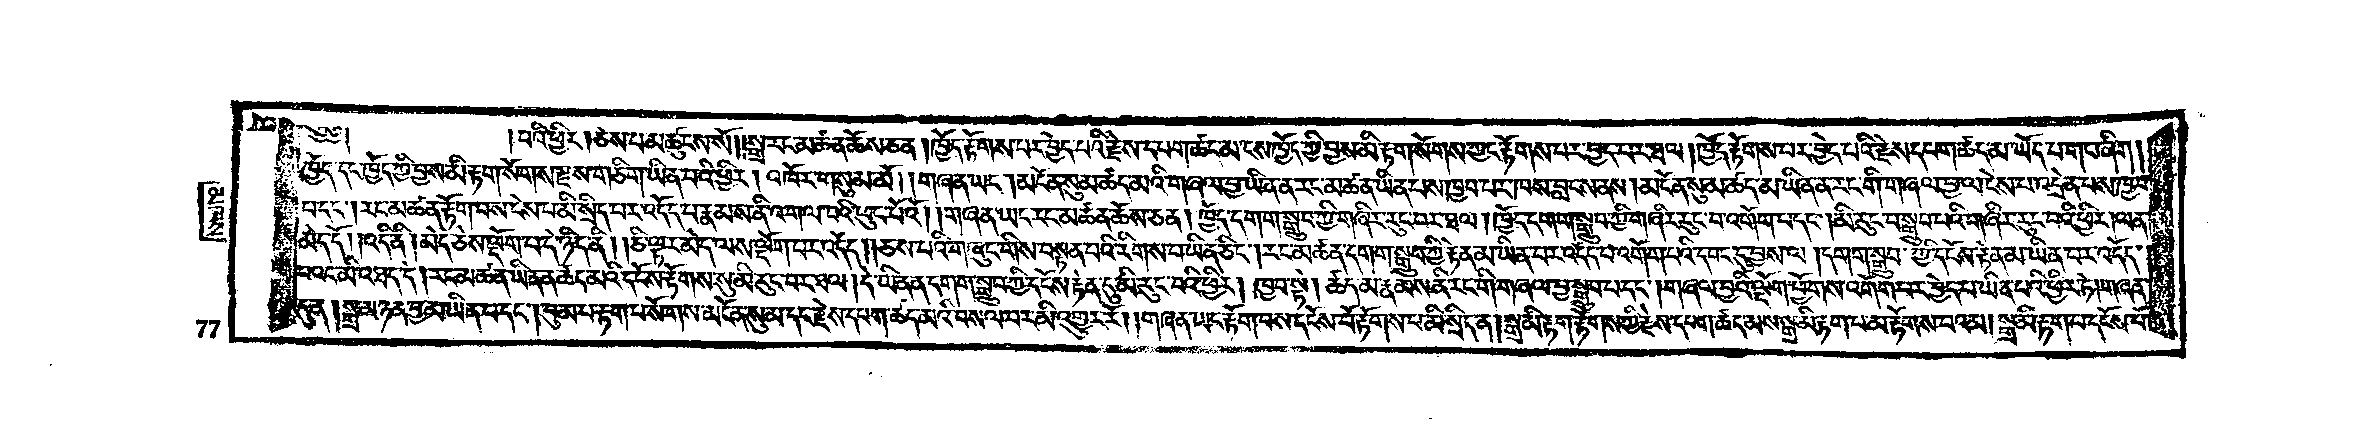༄༅། །པའི་ཕྱིར། ཅེས་པ་མཚུངས་སོ། །སྒྲ་རང་མཚན་ཆོས་ཅན། ཁྱོད་རྟོགས་པར་བྱེད་པའི་རྗེས་དཔག་ཚད་མ་ངས་ཁྱོད་ཀྱི་བྱས་མི་རྟག་སོགས་ཀྱང་རྟོགས་པར་བྱེད་པར་ཐལ། ཁྱོད་རྟོགས་པར་བྱེད་པའི་རྗེས་དཔག་ཚད་མ་ཡོད་པ་གང་ཞིག །
ཁྱོད་དང་ཁྱོད་ཀྱི་བྱས་མི་རྟག་སོགས་རྫས་གཅིག་ཡིན་པའི་ཕྱིར། འཁོར་གསུམ་མོ། །གཞན་ཡང་། མངོན་སུམ་ཚད་མའི་གཞལ་བྱ་ཡིན་ན་རང་མཚན་ཡིན་པས་ཁྱབ་པར་ཁས་བླངས་ནས། མངོན་སུམ་ཚད་མ་ཡིན་ན་རང་གི་གཞལ་བྱ་ལ་ངེས་པ་འདྲེན་པས་ཁྱབ་
པ་དང་། རང་མཚན་རྟོག་པས་ངེས་པ་མི་སྲིད་པར་འདོད་པ་རྣམས་ནི་འགལ་བའི་ཕུང་པོའོ། །གཞན་ཡང་རང་མཚན་ཆོས་ཅན། ཁྱོད་དགག་སྒྲུབ་ཀྱི་གཞིར་རུང་བར་ཐལ། ཁྱོད་དགག་སྒྲུབ་ཀྱི་གཞིར་རུང་བ་འགོག་པ་དང་། མི་རུང་བ་སྒྲུབ་པའི་གཞིར་རུང་བའི་ཕྱིར། ལན་
མེད་དོ། །འདི་ནི། མེད་ཅེས་ལྡོག་པ་དེ་ཉིད་ནི། །ཅི་ལྟར་མེད་ལས་ལྡོག་པར་འདོད། །ཅེས་?་པའི་གཞུང་གིས་བསྟན་པའི་རིགས་པ་ཡིན་ཅིང་། རང་མཚན་དགག་སྒྲུབ་ཀྱི་རྟེན་མ་ཡིན་པར་འདོད་པ་འགོག་པའི་དབང་དུ་བྱས་ལ། དགག་སྒྲུབ་ཀྱི་དངོས་རྟེན་མ་ཡིན་པར་འདོད་
པའང་མི་འཐད་དེ། རང་མཚན་ཡིན་ན་ཚད་མའི་དངོས་རྟོགས་སུ་མི་རུང་བར་ཐལ། དེ་ཡིན་ན་དགག་སྒྲུབ་ཀྱི་དངོས་རྟེན་དུ་མི་རུང་བའི་ཕྱིར། ཁྱབ་སྟེ། ཚད་མ་རྣམས་ནི་རང་གི་གཞལ་བྱ་སྒྲུབ་པ་དང་། གཞལ་བྱའི་ལྡོག་ཕྱོགས་འགོག་པར་བྱེད་པ་ཡིན་པའི་ཕྱིར་ཏེ། གཞན་
དུ་ན། སྒྲ་མཉན་བྱ་མ་ཡིན་པ་དང་། བུམ་པ་རྟག་པ་སོགས་མངོན་སུམ་དང་རྗེས་དཔག་ཚད་མའི་བསལ་བར་མི་འགྱུར་རོ། །གཞན་ཡང་རྟོག་པས་དངོས་པོ་རྟོགས་པ་མི་སྲིད་ན། སྒྲ་མི་རྟག་རྟོགས་ཀྱི་རྗེས་དཔག་ཚད་མས་སྒྲ་མི་རྟག་པ་མ་རྟོགས་པའམ། སྒྲ་མི་རྟག་པ་དངོས་པོ་